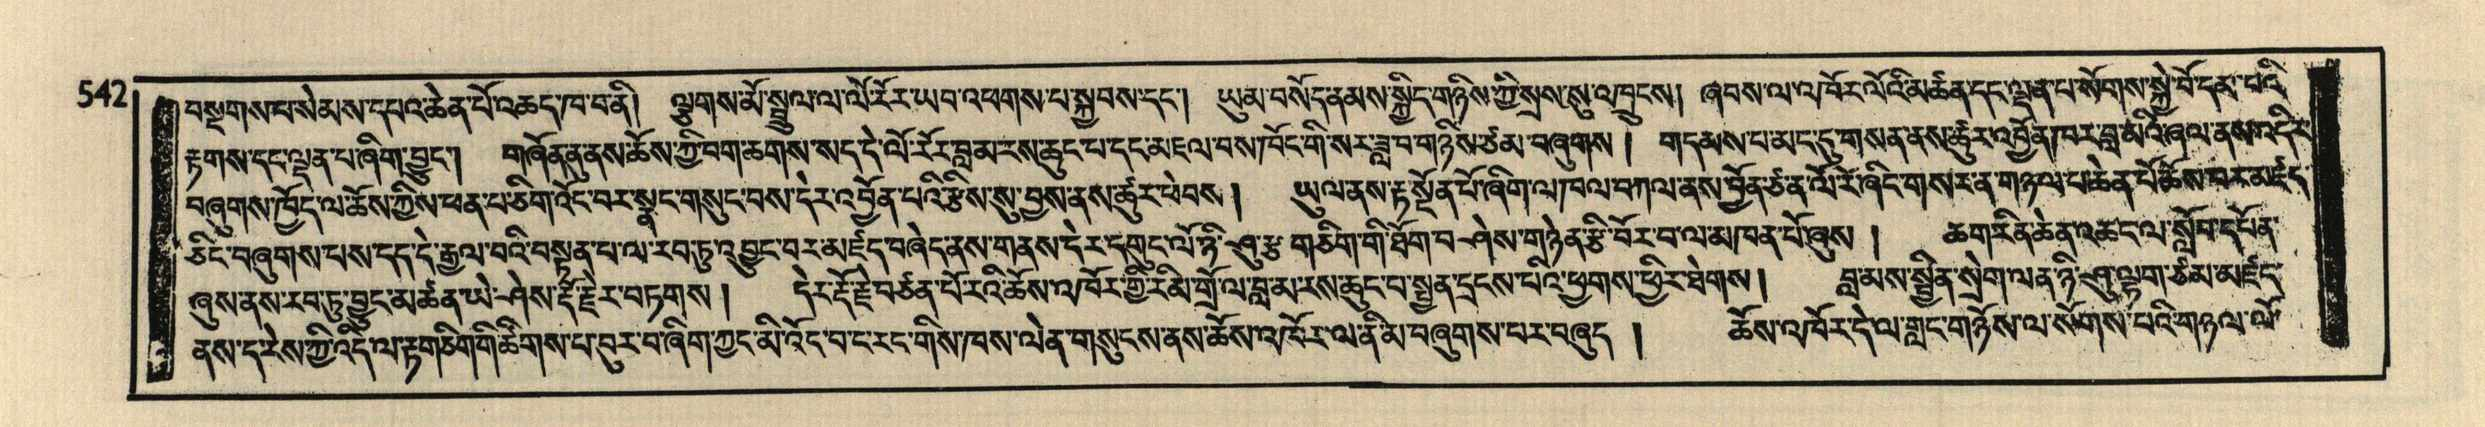བསྔགས་པ་སེམས་དཔའ་ཆེན་པོ་འཆད་ཁ་བ་ནི། ལྕགས་མོ་སྦྲུལ་ལ་ལོ་རོར་ཡབ་འཕགས་པ་སྐྱབས་དང་། ཡུམ་བསོད་ནམས་སྐྱིད་གཉིས་ཀྱི་སྲས་སུ་འཁྲུངས། ཞབས་ལ་འཁོར་ལོའི་མཚན་དང་ལྡན་པ་སོགས་སྐྱེ་བོ་དམ་པའི་
རྟགས་དང་ལྡན་པ་ཞིག་བྱུང་། གཞོན་ནུ་ནས་ཆོས་ཀྱི་བག་ཆགས་སད་དེ་ལོ་རོར་བླ་མ་རས་ཆུང་པ་དང་མཇལ་བས་ཁོང་གི་སར་ཟླ་བ་གཉིས་ཙམ་བཞུགས། གདམས་པ་མང་དུ་གསན་ནས་ཚུར་འབྱོན་ཁར་བླ་མའི་ཞལ་ནས་འདིར་
བཞུགས་ཁྱོད་ལ་ཆོས་ཀྱིས་ཕན་པ་ཅིག་འོང་བར་སྣང་གསུང་བས་དེར་འབྱོན་པའི་རྩིས་སུ་བྱས་ནས་ཚུར་ཕེབས། ཡུལ་ནས་རྟ་སྔོན་པོ་ཞིག་ལ་ཁལ་བཀལ་ནས་བྱོན་ཙ་ན་ལོ་རོ་ཞིང་གསར་ན་གཉལ་པ་ཆེན་པོ་ཆོས་བར་མཛད་
ཅིང་བཞུགས་པས་དད་དེ་རྒྱལ་བའི་བསྟན་པ་ལ་རབ་ཏུ་འབྱུང་བར་མཛད་བཞེད་ནས་གནས་དེར་དགུང་ལོ་ཉི་ཤུ་རྩ་གཅིག་གི་ཐོག་བཤེས་གཉེན་རྩི་བོར་བ་ལ་མཁན་པོ་ཞུས། ཆག་རིན་ཆེན་འཆང་ལ་སློབ་དཔོན་
ཞུས་ནས་རབ་ཏུ་བྱུང་མཚན་ཡེ་ཤེས་རྡོ་རྗེར་བཏགས། དེར་རྡོ་རྗེ་བཙན་པོ་རའི་ཆོས་འཁོར་གྱི་རིམ་གྲོ་ལ་བླ་མ་རས་ཆུང་བ་སྤྱན་དྲངས་པའི་ཕྱག་ཕྱིར་ཐེགས། བླ་མས་སྦྱིན་སྲེག་ལན་ཉི་ཤུ་ལྷག་ཙམ་མཛད་
ནས་ད་རེས་ཀྱི་འདི་ལ་རྟ་གཅིག་གི་ཚིགས་པ་བུར་བ་ཞིག་ཀྱང་མི་འོང་བ་ང་རང་གིས་ཁས་ལེན་གསུངས་ནས་ཆོས་འཁོར་ལ་ནི་མ་བཞུགས་པར་བཞུད། ཆོས་འཁོར་དེ་ལ་གླང་གཉོས་ལ་སོགས་པའི་གཉལ་ལོ་